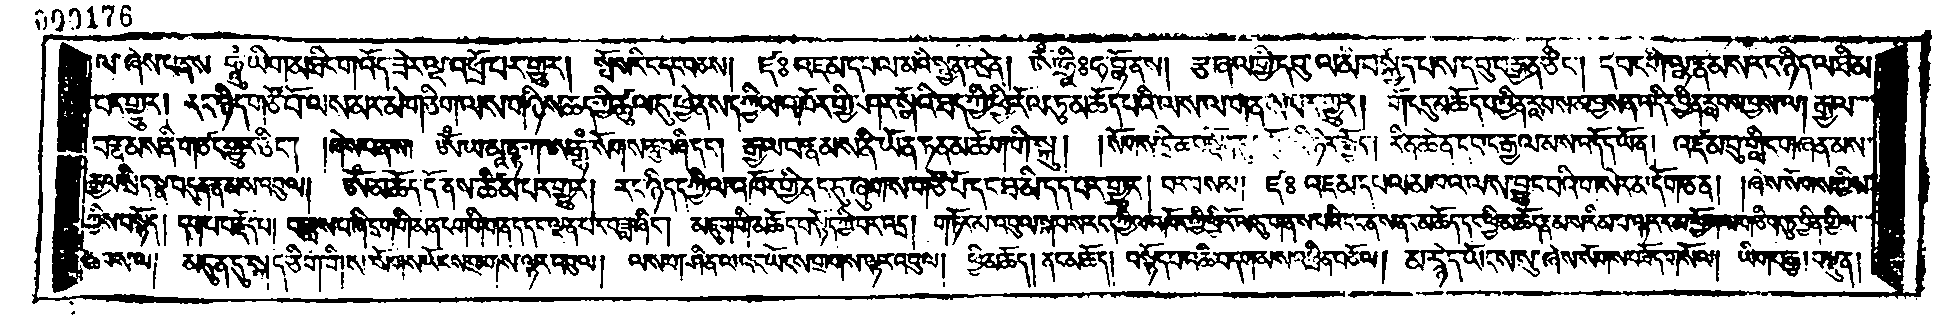ལ་ཞེས་པ་ནས་ཧཱུཾ་ཡིག་མཐིང་ག་འོད་ཟེར་ལྔ་འཕྲོ་པར་གྱུར། སྤོས་རིང་དང་བཅས།  ཛཿ འཇམ་དཔལ་མའི་སྤྱན་འདྲེན།  ཨོཾ་ཧྲཱིཿ ཧ་བྷོ་ནས།  རྩ་ཞལ་གྱི་དབུ་ལ་མི་བསྐྱོད་པས་དབུ་བརྒྱན་ཅིང་། དབང་གི་ལྷ་རྣམས་རང་ཉིད་ལ་ཐིམ་
པར་གྱུར། རང་ཉིད་གཙོ་བོ་ལས་མར་མེ་གཅིག་ལས་གཉིས་ཆད་ཀྱི་ཚུལ་དུ་ཕྱེ་ནས་དཀྱིལ་འཁོར་གྱི་ཤར་སྒོའི་ཐད་ཀྱི་ཕྱི་རོལ་ཏུ་མཆོད་པའི་ལས་ལ་གནས་པར་གྱུར། གོང་དུ་མཆོད་པ་བྱིན་རླབས་མ་བྱས་ན་འདིར་བྱིན་རླབས་བྱས་ལ། རྒྱལ་
བ་རྣམས་ནི་གཙང་གྱུར་ཅིང་། །ཞེས་པ་ནས།  ཨོཾ་ཡ་མཱ་ནྟ་ཀ་ཨ་རྒྷཾ་སོགས་ཆུ་བཞི་དང་།  རྒྱལ་བ་རྣམས་ནི་ཡོན་ཏན་མཆོག་གི་སྐུ། །སོགས་དྲི་ཆབ་སྔོན་དུ་འགྲོ་བའི་ཉེར་སྤྱོད།  རིན་ཆེན་དབང་རྒྱལ་མས་འདོད་ཡོན། འཛམ་བུ་གླིང་གཞན་མས་
རྒྱལ་སྲིད་སྣ་བདུན་རྣམས་འབུལ།  ཨོཾ་མཆོད་དོ་ནས་ཚིམ་པར་གྱུར། རང་ཉིད་དཀྱིལ་འཁོར་གྱི་ནང་དུ་ཞུགས་གཙོ་བོ་དང་ཐ་མི་དད་པར་གྱུར། བར་བསམ།  ཛཿ འཇམ་དཔལ་མཁའ་ལས་བྱུང་བའི་གསེར་མདོག་ཅན། །ཞེས་སོགས་ཀྱིས་
ཀྱིས་བསྟོད། དག་པ་བརྗོད་པ། བཟླས་པ་ཞི་དྲག་གི་མན་ངག་གི་གནད་དང་ལྡན་པར་བཟླ་ཞིང་། མཇུག་གི་མཆོད་བསྟོད་ཀྱི་བར་འདྲ། གཏོར་མ་འབུལ་སྐབས་རང་དཀྱིལ་འཁོར་གྱི་ཕྱི་རོལ་དུ་གནས་པའི་ངང་ནས་ནང་མཆོད་དང་ཕྱི་མཆོད་རྣམས་རིམ་པ་ལྟར་རམ་ཕྱོགས་གཅིག་ཏུ་བྱིན་གྱིས་
རླབས་ལ། མདུན་དུ་སྐད་ཅིག་གིས་སོགས་ཡོངས་གྲགས་ལྟར་འབུལ། ལས་ག་ཤིན་ལའང་ཡོངས་གྲགས་ལྟར་འབུལ། ཕྱི་མཆོད། ནང་མཆོད། བསྟོད་པ་འཆི་བདག་མས་འཕྲིན་བཅོལ།  མ་རྙེད་ཡོངས་སུ་ཞེས་སོགས་བཟོད་གསོལ།  ཡིག་བརྒྱ། བསྡུ་ན།